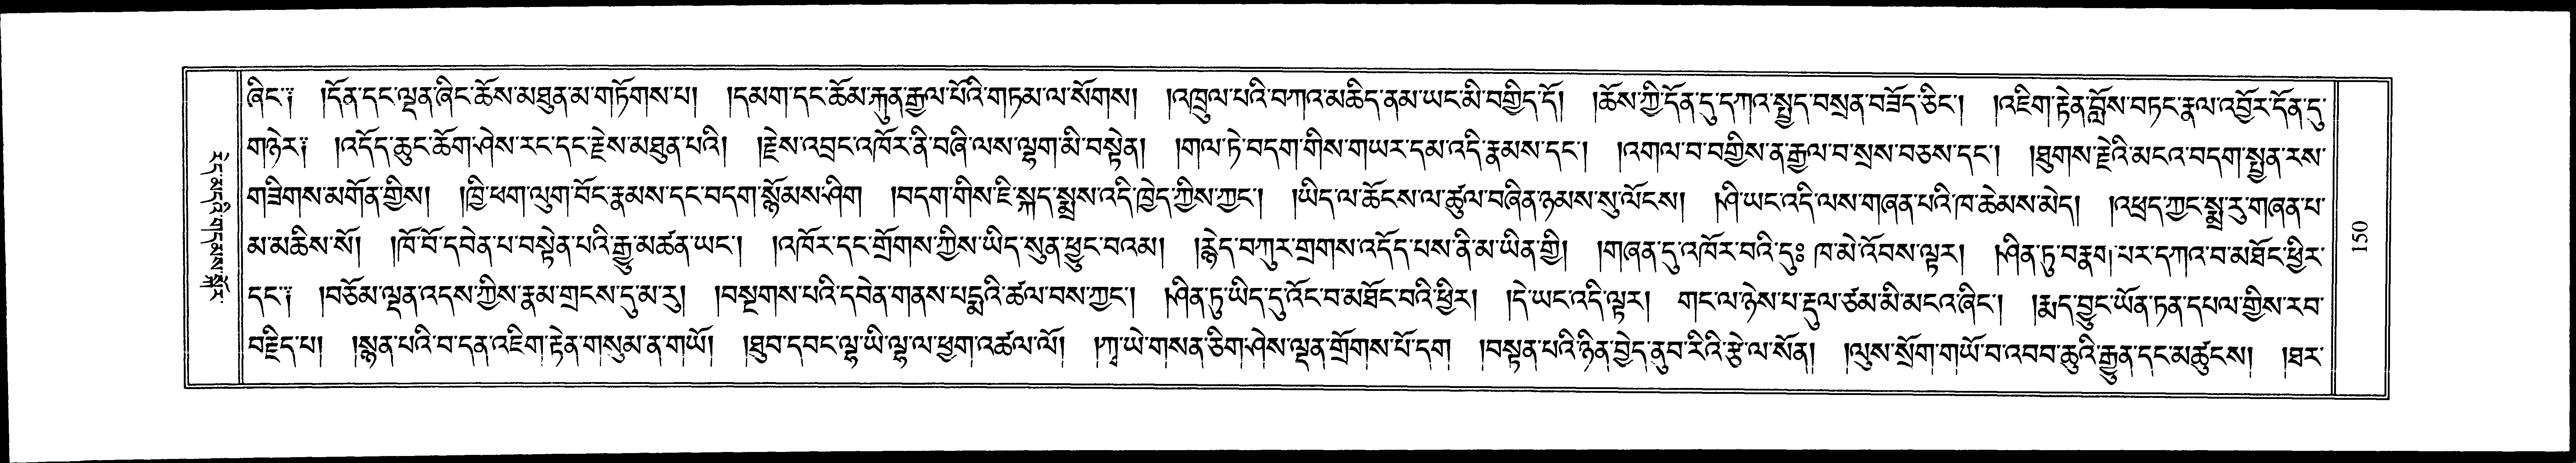ཞིང་། །དོན་དང་ལྡན་ཞིང་ཆོས་མཐུན་མ་གཏོགས་པ། །དམག་དང་ཆོམ་རྐུན་རྒྱལ་པོའི་གཏམ་ལ་སོགས། །འཁྲུལ་བའི་བཀའ་མཆིད་ནམ་ཡང་མི་བགྱིད་དོ། །ཆོས་ཀྱི་དོན་དུ་དཀའ་སྤྱད་བསྲན་བཟོད་ཅིང་། །འཇིག་རྟེན་བློས་བཏང་རྣལ་འབྱོར་དོན་དུ་
གཉེར། །འདོད་ཆུང་ཆོག་ཤེས་རང་དང་རྗེས་མཐུན་པའི། །རྗེས་འབྲང་འཁོར་ནི་བཞི་ལས་ལྷག་མི་བསྟེན། །གལ་ཏེ་བདག་གིས་གཡར་དམ་འདི་རྣམས་དང་། །འགལ་བ་བགྱིས་ན་རྒྱལ་བ་སྲས་བཅས་དང་། །ཐུགས་རྗེའི་མངའ་བདག་སྤྱན་རས་
གཟིགས་མགོན་གྱིས། །ཁྱི་ཕག་ལུག་བོང་རྣམས་དང་བདག་སྙོམས་ཤིག །བདག་གིས་ཇི་སྐད་སྨྲས་འདི་ཁྱེད་ཀྱིས་ཀྱང་། །ཡིད་ལ་ཆོངས་ལ་ཚུལ་བཞིན་ཉམས་སུ་ལོངས། །ཤི་ཡང་འདི་ལས་གཞན་པའི་ཁ་ཆེམས་མེད། །འཕྲད་ཀྱང་སྨྲ་རུ་གཞན་པ་
མ་མཆིས་སོ། །ཁོ་བོ་དབེན་པ་བསྟེན་པའི་རྒྱུ་མཚན་ཡང་། །འཁོར་དང་གྲོགས་ཀྱིས་ཡིད་སུན་ཕྱུང་བའམ། །རྙེད་བཀུར་གྲགས་འདོད་པས་ནི་མ་ཡིན་གྱི། །གཞན་དུ་འཁོར་བའི་དུཿ ཁ་མེ་འོབས་ལྟར། །ཤིན་ཏུ་བརྣག་པར་དཀའ་བ་མཐོང་ཕྱིར་
དང་། །བཅོམ་ལྡན་འདས་ཀྱིས་རྣམ་གྲངས་དུ་མ་རུ། །བསྔགས་པའི་དབེན་གནས་པདམའི་ཚལ་བས་ཀྱང་། །ཤིན་ཏུ་ཡིད་དུ་འོང་བ་མཐོང་བའི་ཕྱིར། །དེ་ཡང་འདི་ལྟར། གང་ལ་ཉེས་པ་རྡུལ་ཙམ་མི་མངའ་ཞིང་། །རྨད་བྱུང་ཡོན་ཏན་དཔལ་གྱིས་རབ་
བརྗིད་པ། །སྙན་པའི་བ་དན་འཇིག་རྟེན་གསུམ་ན་གཡོ། །ཐུབ་དབང་ལྷ་ཡི་ལྷ་ལ་ཕྱག་འཚལ་ལོ། །ཀྭ་ཡེ་གསན་ཅིག་ཤེས་ལྡན་གྲོགས་པོ་དག །བསྟན་པའི་ཉིན་བྱེད་ནུབ་རིའི་རྩེ་ལ་སོན། །ལུས་སྲོག་གཡོ་བ་འབབ་ཆུའི་རྒྱུན་དང་མཚུངས། །ཐར་